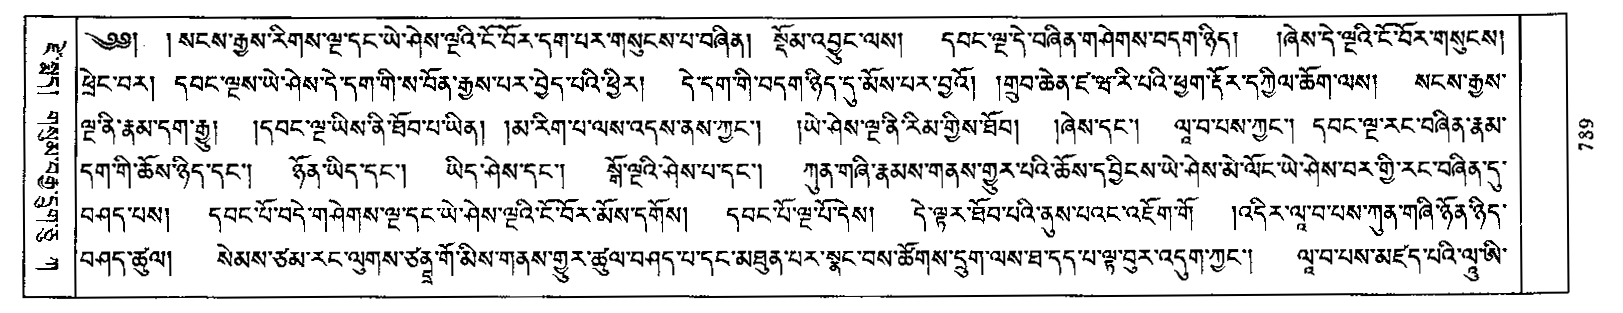༄༅། །སངས་རྒྱས་རིགས་ལྔ་དང་ཡེ་ཤེས་ལྔའི་ངོ་བོར་དག་པར་གསུངས་པ་བཞིན། སྡོམ་འབྱུང་ལས། དབང་ལྔ་དེ་བཞིན་གཤེགས་བདག་ཉིད། །ཞེས་དེ་ལྔའི་ངོ་བོར་གསུངས།
ཕྲེང་བར། དབང་ལྔས་ཡེ་ཤེས་དེ་དག་གི་ས་བོན་རྒྱས་པར་བྱེད་པའི་ཕྱིར། དེ་དག་གི་བདག་ཉིད་དུ་མོས་པར་བྱའོ། །གྲུབ་ཆེན་ཛ་ཝ་རི་བའི་ཕྱག་རྡོར་དཀྱིལ་ཆོག་ལས། སངས་རྒྱས་
ལྔ་ནི་རྣམ་དག་རྒྱུ། །དབང་ལྔ་ཡིས་ནི་ཐོབ་པ་ཡིན། །མ་རིག་པ་ལས་འདས་ནས་ཀྱང་། །ཡེ་ཤེས་ལྔ་ནི་རིམ་གྱིས་ཐོབ། །ཞེས་དང་། ལཱ་བ་པས་ཀྱང་། དབང་ལྔ་རང་བཞིན་རྣམ་
དག་གི་ཆོས་ཉིད་དང་། ཉོན་ཡིད་དང་། ཡིད་ཤེས་དང་། སྒོ་ལྔའི་ཤེས་པ་དང་། ཀུན་གཞི་རྣམས་གནས་གྱུར་པའི་ཆོས་དབྱིངས་ཡེ་ཤེས་མེ་ལོང་ཡེ་ཤེས་བར་གྱི་རང་བཞིན་དུ་
བཤད་པས། དབང་པོ་བདེ་གཤེགས་ལྔ་དང་ཡེ་ཤེས་ལྔའི་ངོ་བོར་མོས་དགོས། དབང་པོ་ལྔ་པོ་དེས། དེ་ལྟར་ཐོབ་པའི་ནུས་པའང་འཇོག་གོ། འདིར་ལཱ་བ་པས་ཀུན་གཞི་ཉོན་ཉིད་
བཤད་ཚུལ། སེམས་ཙམ་རང་ལུགས་ཙནྡྲ་གོ་མིས་གནས་གྱུར་ཚུལ་བཤད་པ་དང་མཐུན་པར་སྣང་བས་ཚོགས་དྲུག་ལས་ཐ་དད་པ་ལྟ་བུར་འདུག་ཀྱང་། ལཱ་བ་པས་མཛད་པའི་ལཱུ་ཨི་